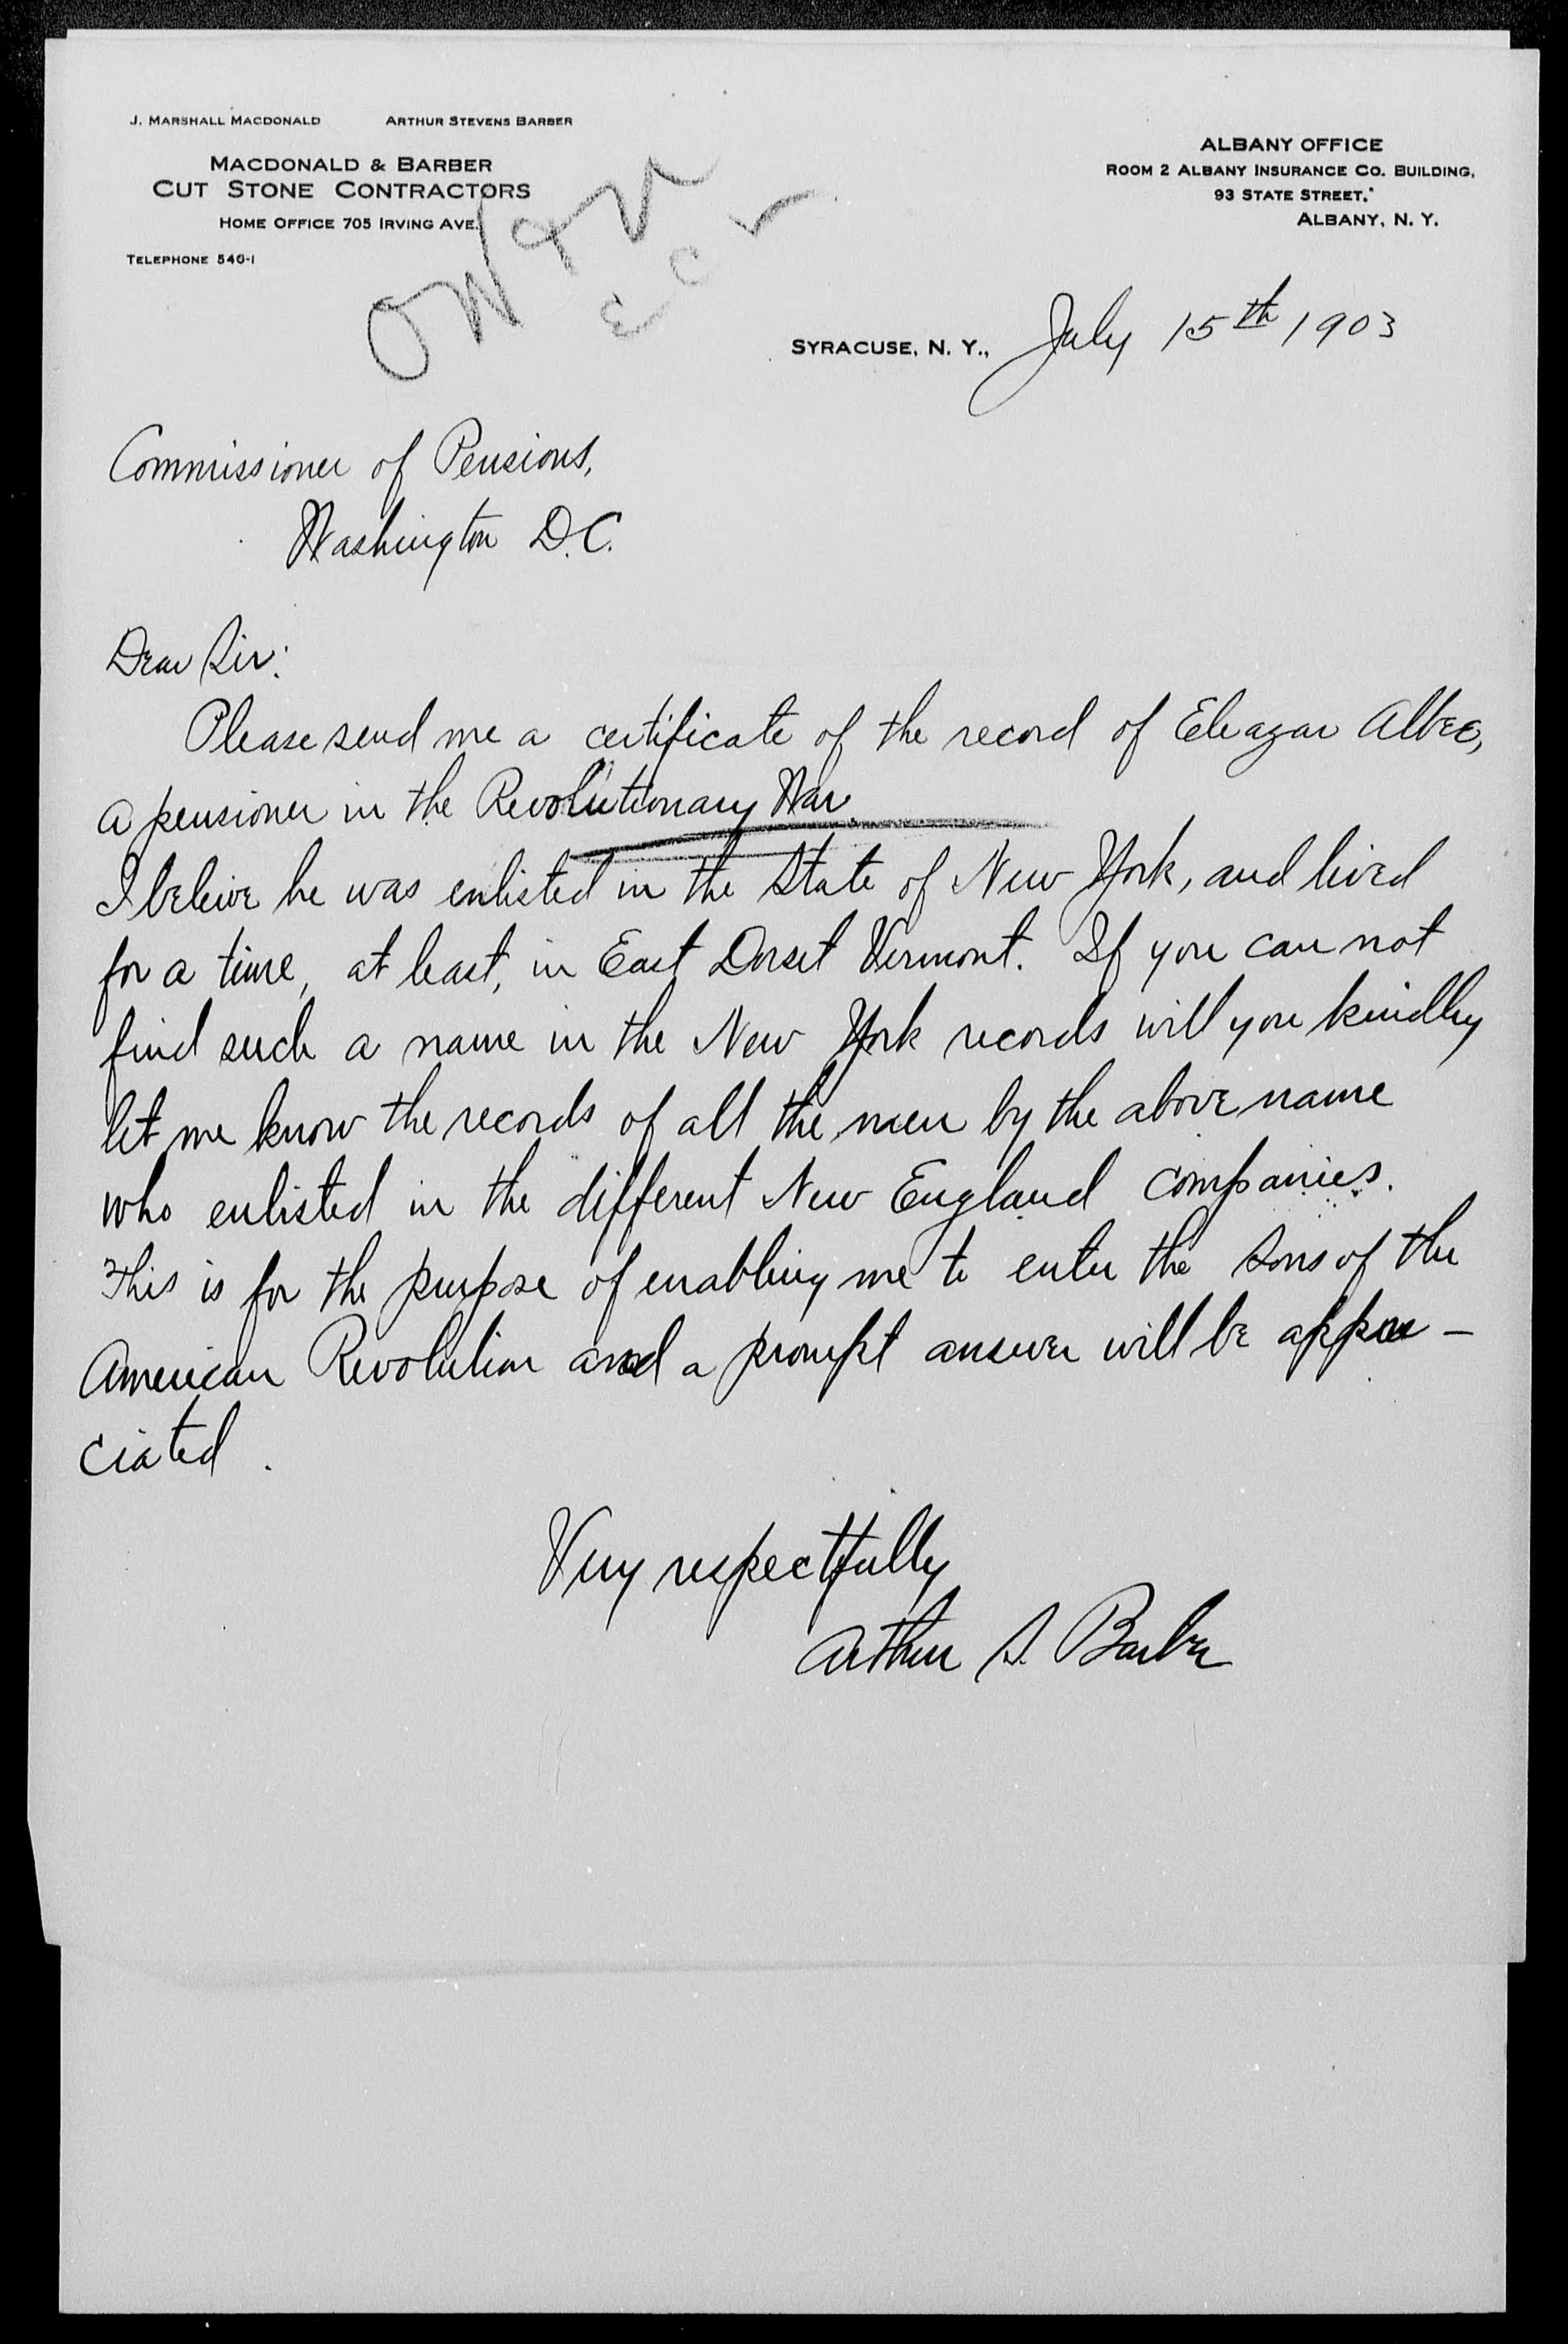MacDonald & Barber
Cut Stone Contractors
Home Office
708 Irving Ave.

Albany Office
Room 2 Albany Insurance Co., Building
93 State Street
Albany, N.Y.

Syracuse, N.Y.
July 15th 1903


Commissioner of Pensions
Washington, D.C.

Dear Sir:

Please send me a certificate of the record of Eleazer Albee, a pensioner in the Revolutionary War.
I believe he was enlisted in the State of New York, and lived for a time in East Dorset, Vermont. If you cannot find such a name in the New York records will you kindly let me know the records of all the men by the above name who enlisted in the different New England companies.  This is for the purpose of enabling me to enter the Sons of the American Revolution and a prompt answer will be appreciated.

Very respectfully,

Arthur S. Barber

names: Eleazar Albee, Arthur S Barber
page: 25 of 29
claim: survivor's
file: S 41404, Eleazer John Albee, Mass. Privateer